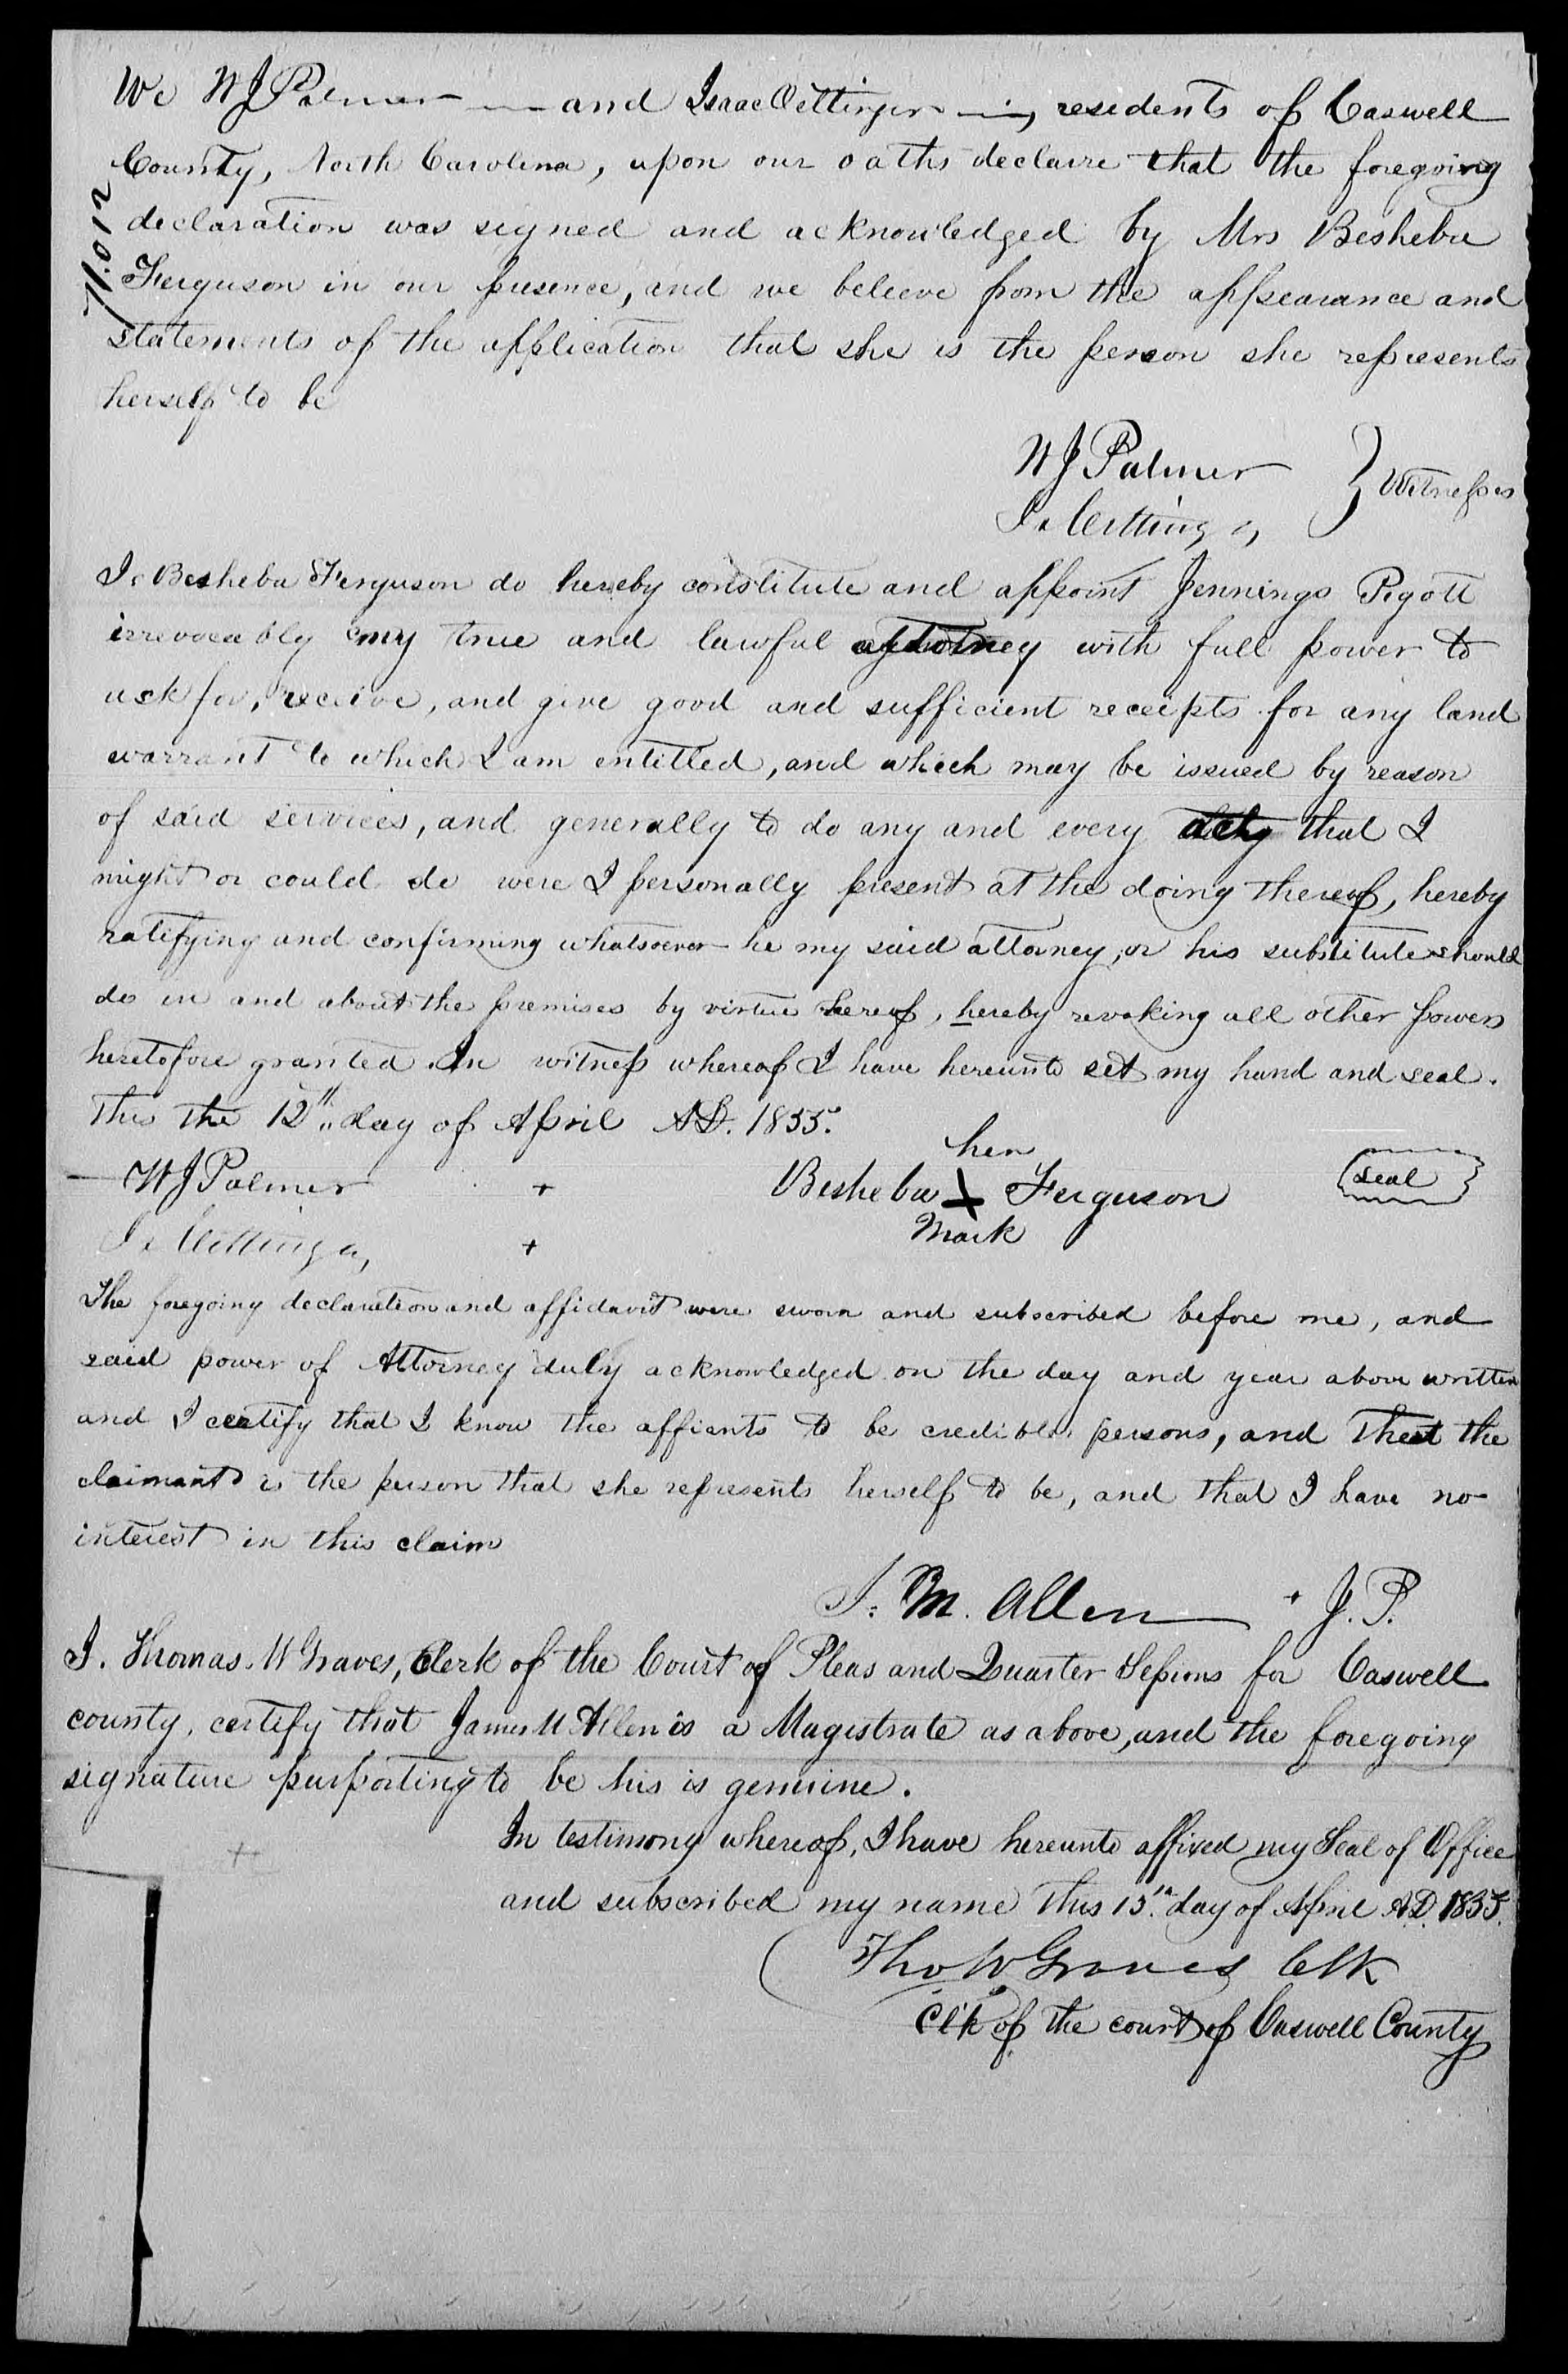We W. J. Palmer and Isaac Oettinger, residents of Caswell County, North Carolina, upon our oaths declare that the foregoing declaration was signed and acknowledged by Mrs. Besheba Ferguson in our presence, and we believe from the appearance and statements of the application that she is the person she represents herself to be. 
71.012 (written sideways in the margin)
W. J. Palmer }
Ia Oettinger } Witnesses
I Besheba Ferguson do hereby constitute and appoint Jennings Pegott irrevocably my true and lawful attorney with full power to ask for receive, and give good and sufficient receipts for any land warrant to which I am entitled, and which may be issued by reason of said services, and generally to do any and every act that I might or could do were I personally present at the doing thereof, hereby ratifying and confirming whatsoever ~ he my said attorney, or his substitute should do in and about the premises by virtue whereof, hereby revoking all other power heretofore granted.  In witness whereof I have hereunto set my hand and seal. This the 12" day of April A.D. 1855.
              her
Besheba  X  Ferguson      seal (circled)
             mark
W. J. Palmer  +
Ia Oettinger,  +
The foregoing declaration and affidavit were sworn and subscribed before me, and said power of Attorney duly acknowledged on the day and year above written and I certify that I know the affiants to be credible persons, and that the claimant is the person that she represents herself to be, and that I have no interest in this claim.

J. M. Allen, +J.P.
I, Thomas W. Graves, clerk of the Court of Pleas and Quarter Sessions for Caswell county, certify that James M. Allen is a Magistrate as above, and the foregoing signature purporting to be his is genuine.
In testimony whereof, I have hereunto affixed my Seal of Office and subscribed my name this 15th day of April A.D. 1835.
Tho W. Graves, clk
Clk of the court of Caswell County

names: Ia Oettinger, J M Allen, W J Palmer, Besheba Ferguson, W J Palmer, Isaac Oettinger, W J Palmer, Ja Oettinger, Thomas W Graves, James M Allen, Besheba Ferguson, Besheba Ferguson, Jennings Pigott, Thos W Graves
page: 11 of 81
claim: widow's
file: W. 7262, Robert Ferguson, Va.